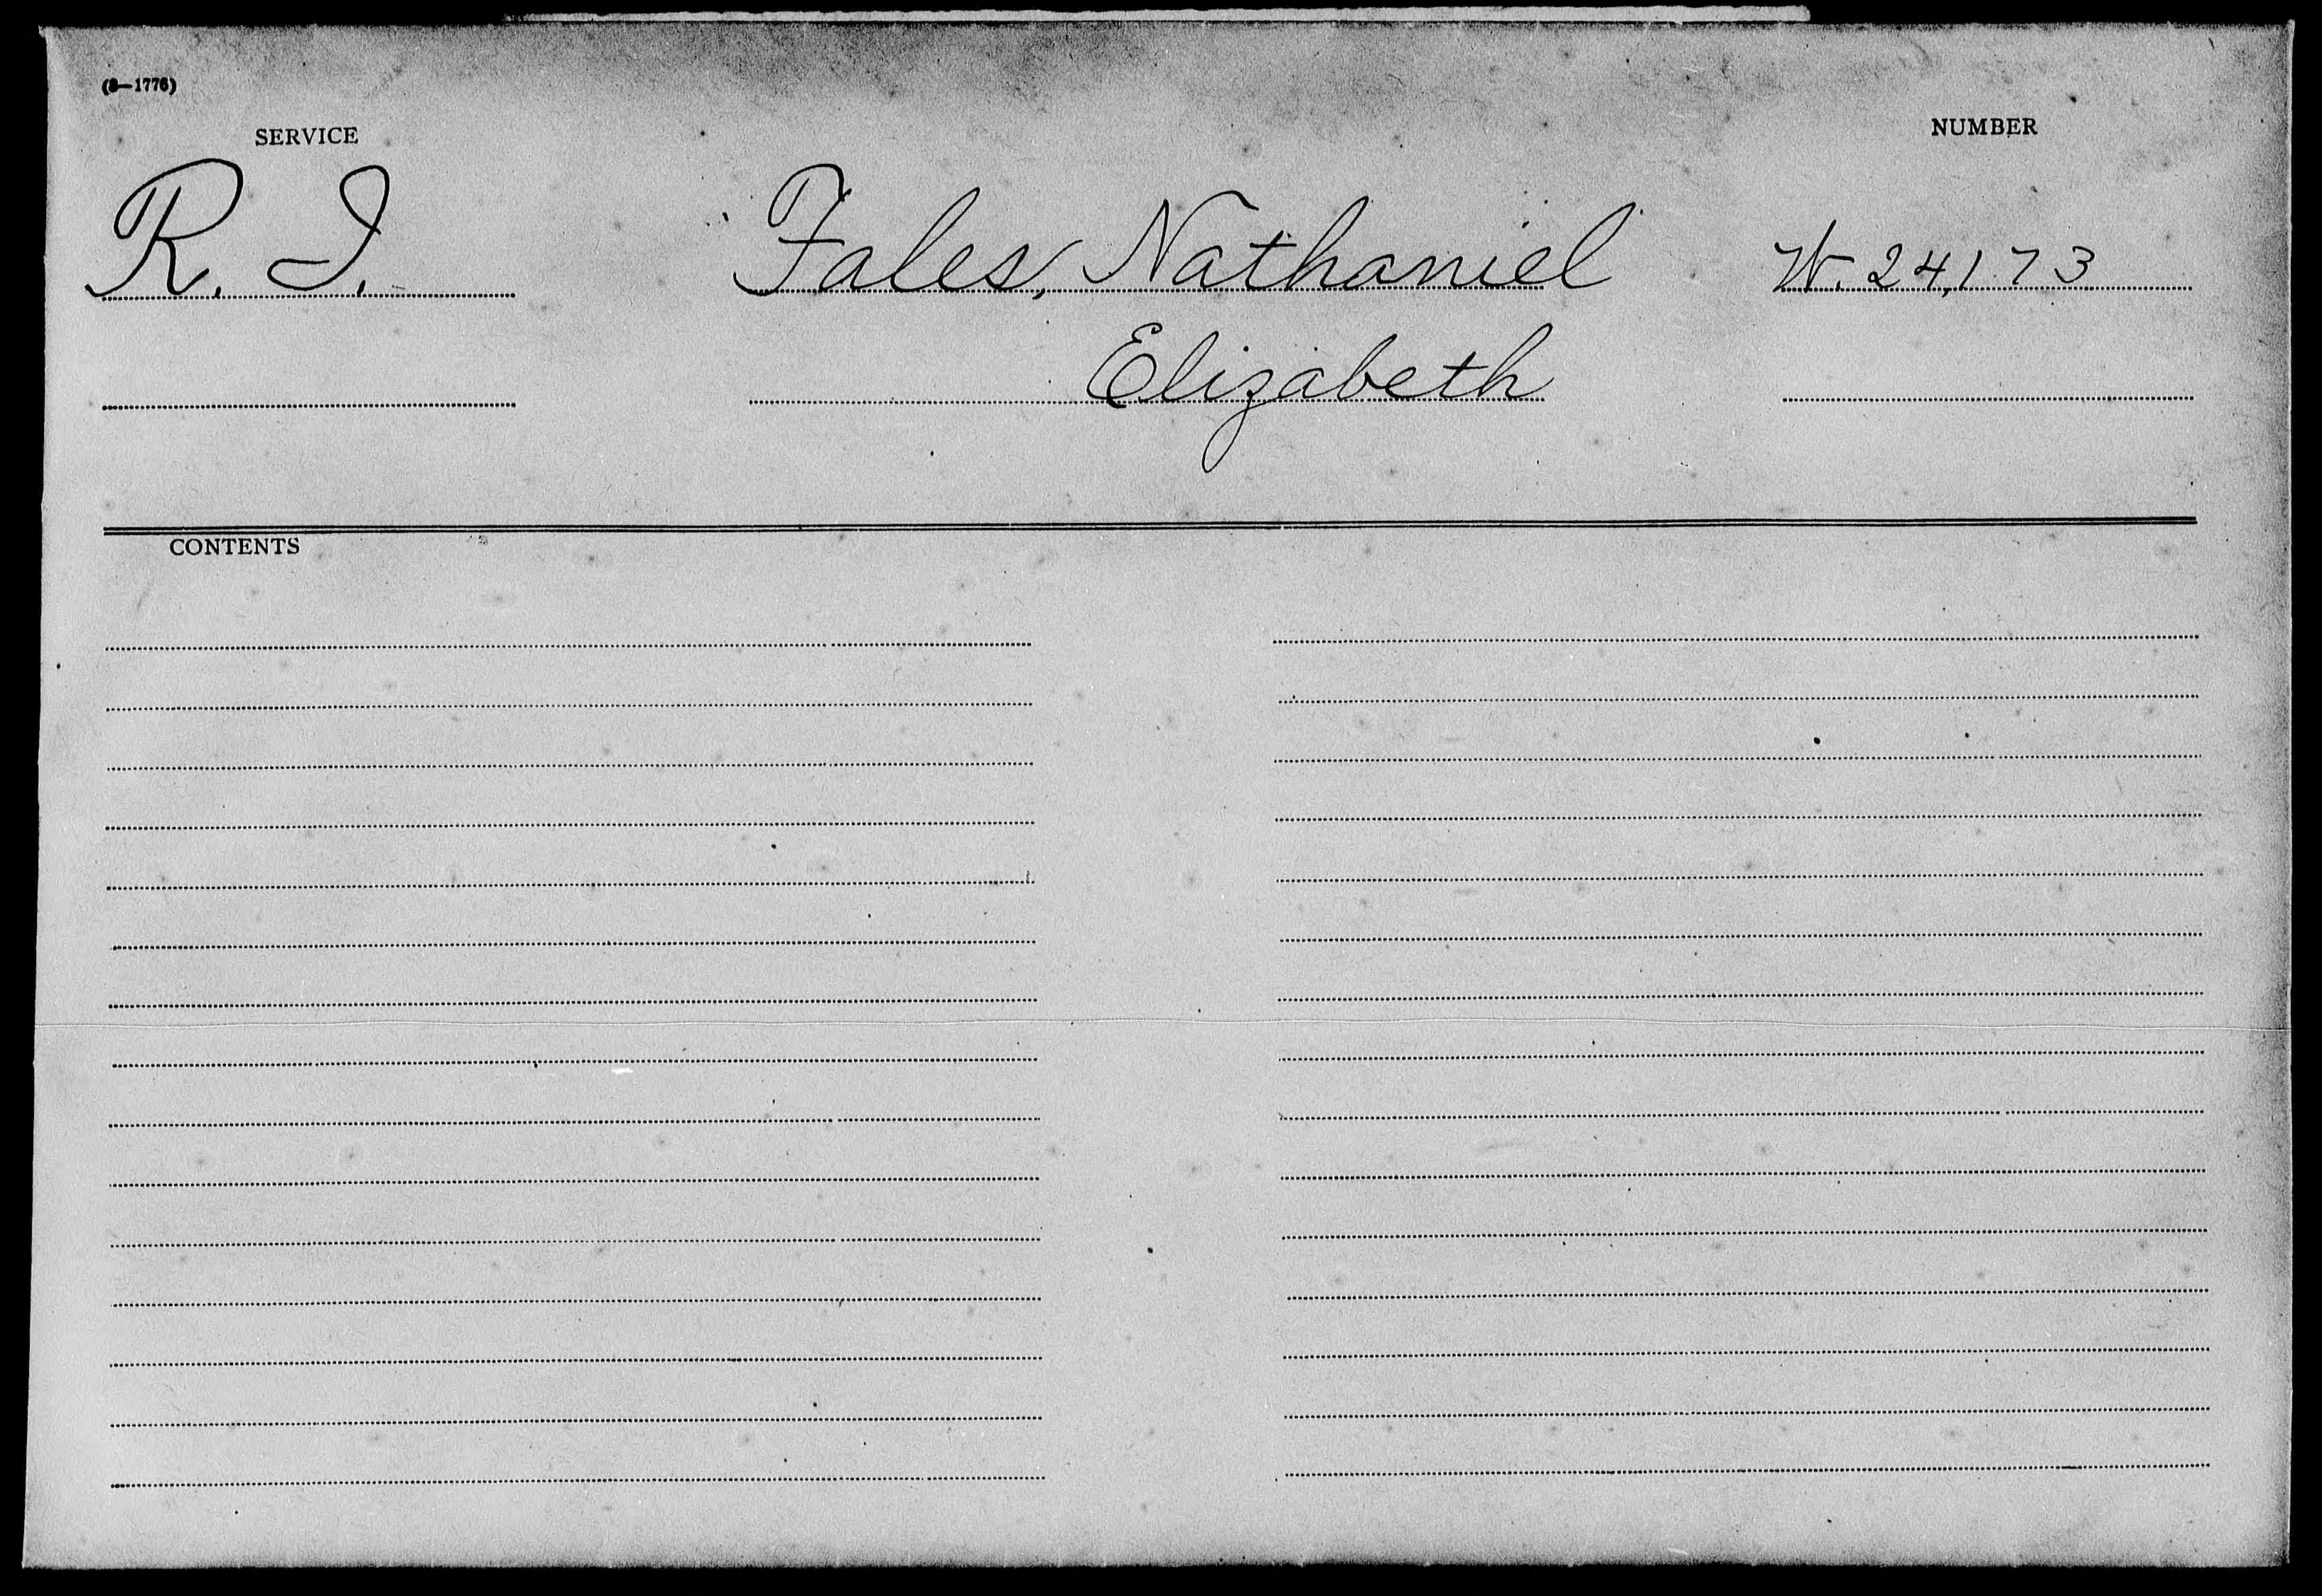(8-1776)
SERVICE R. I.
Fales, Nathaniel
Elizabeth
NUMBER
W.24,173
[double line separation]
CONTENTS
[blank]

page: 1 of 32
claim: widow's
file: W. 24,173, Nathaniel Fales, R.I.